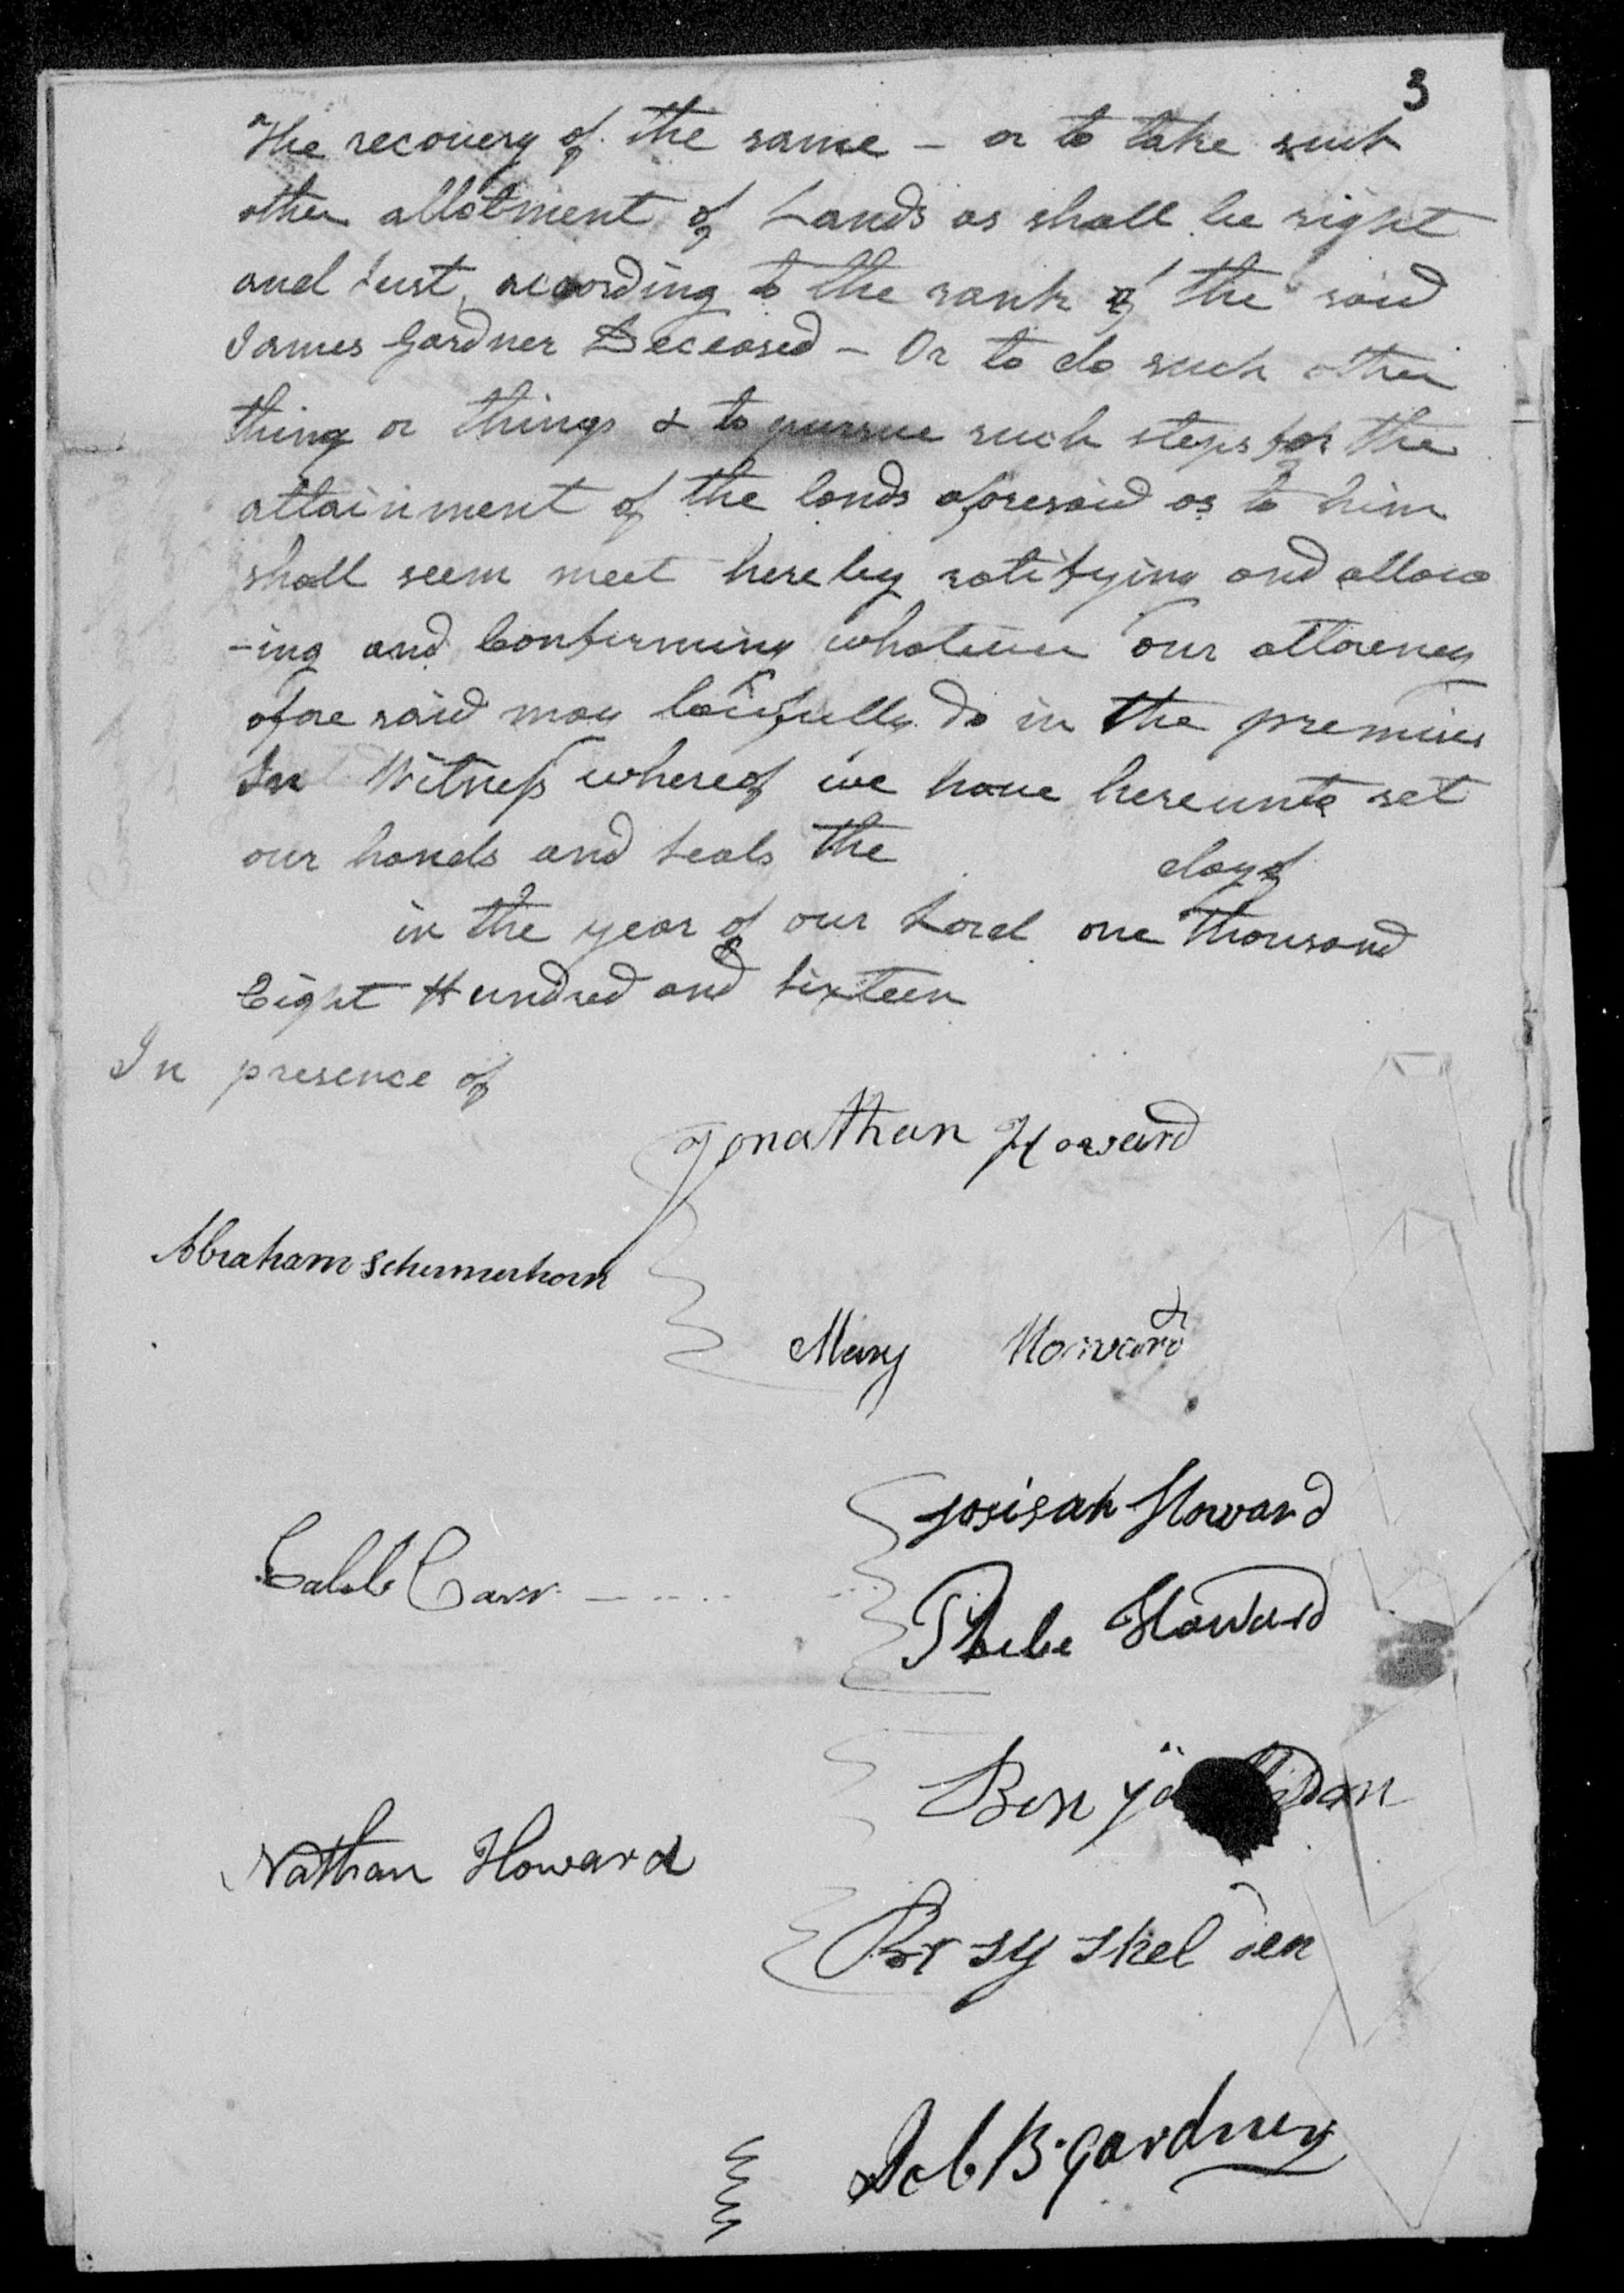the recovery of the same - or to take such other allotment of lands as shall be right and just, according to the rank of the said James Gardner, deceased.  Or to do such other thing or things & to pursue such steps for the attainment of the lands aforesaid as to him shall seem meet hereby satisfying and allowing and confirming whatever our attorney aforesaid may lawfully do in the premises 
In witness whereof we have hereunto set our hands and seals the (blank) day of (blank) in the year of our Lord one thousand eight hundred and sixteen.

In presence of Jonathan Howard
Abraham Schermerhorn
Mary Howard

Caleb Carr
Josiah Howard
Phebe Howard

Nathan Howard
Benjamin Shelden
Betsy Shelden

Job B. Gardner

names: Job B Gardner, James Gardner, Rosy Shelden, Phebe Howard, Abraham Schermerhorn, Nathan Howard, Caleb Carr, Benja Shelden, Jonathan Howard, Mary Howard, Josisah Howard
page: 5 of 18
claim: bounty land warrant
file: B. L. Wt. 668-200, James Gardner, Continental Artillery Parents Of N.Y.